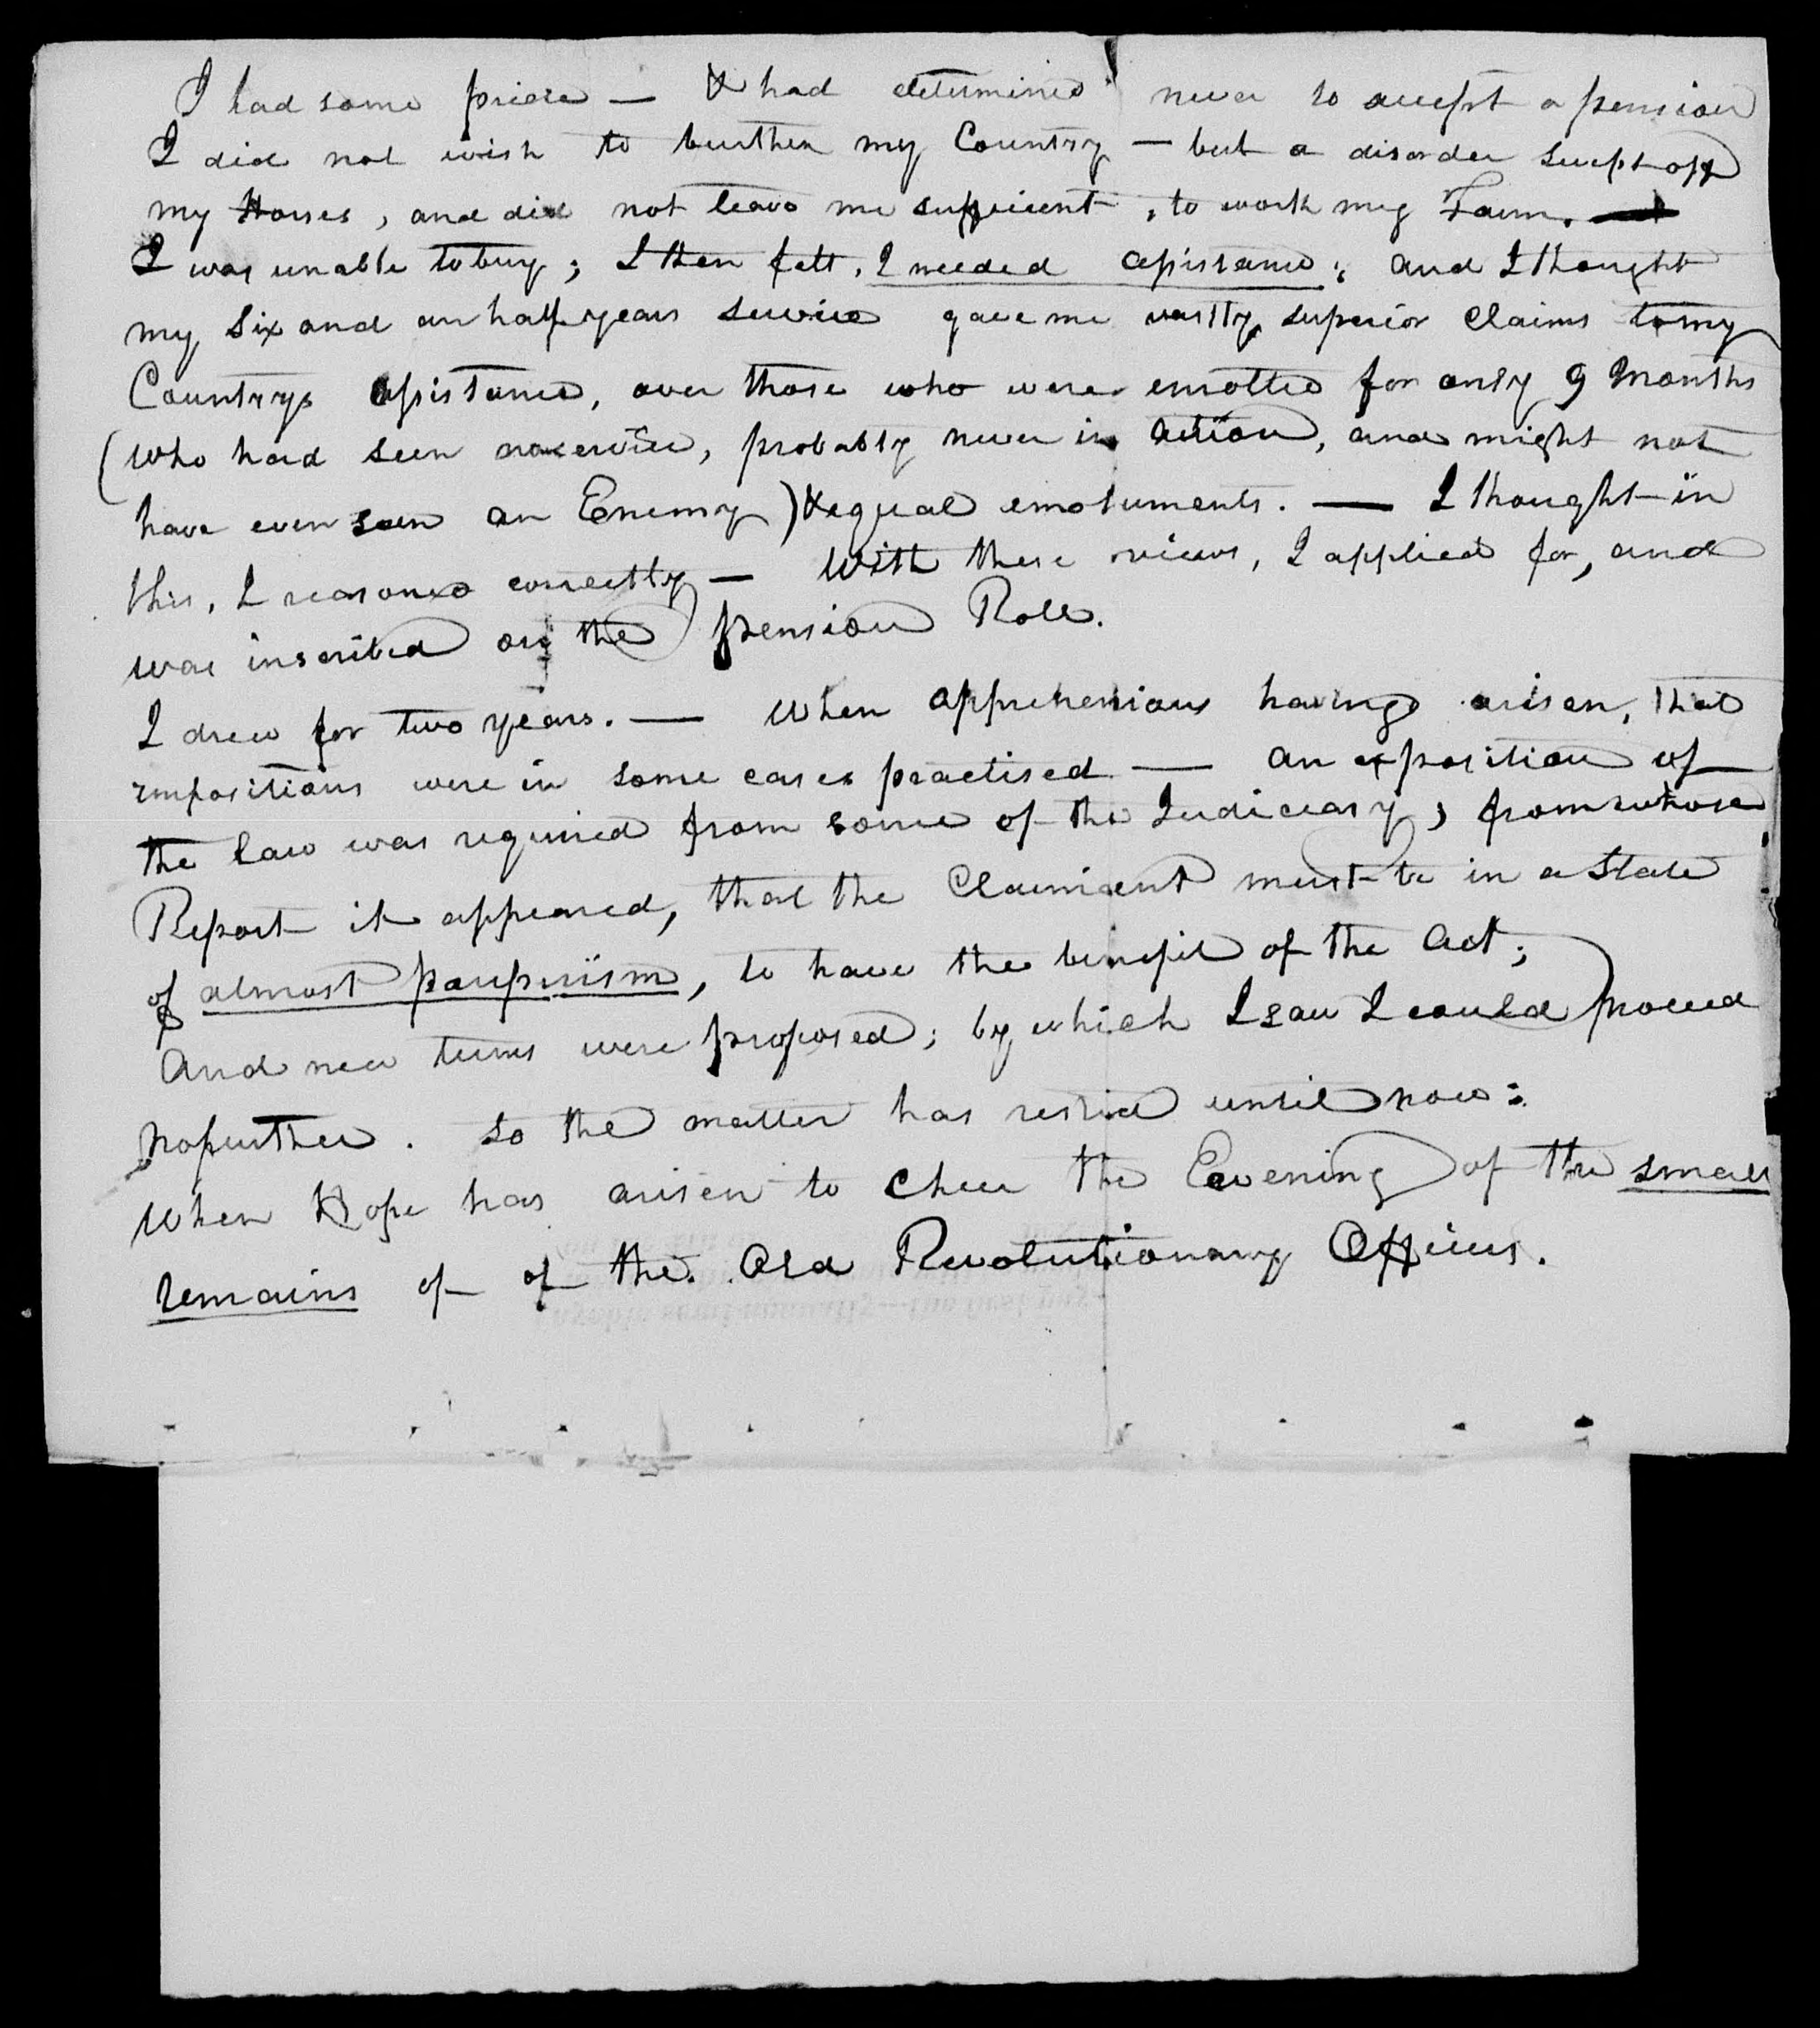I had some pride – & had determined never to accept a pension 
I did not wish to burthen my Country – but a disorder swept off 
my horses, and did not leave me sufficient to work my Farm. 
I was unable to buy; I then felt I needed assistance; and I thought 
my six and one half years service gave me verily
superior claims to my 
Countrys assistance, over those who were enrolled for only 9 months 
(who had seen no service, probably never in action, and might not 
have even seen an Enemy) & equal emoluments.– I thought in 
this, I reasoned correctly – With these views, I applied for, and 
was inscribed on the pension Roll.
I drew for two years. – When apprehensions having arisen, that 
impositions were in some cases practised
– an exposition of the law was required from some of the Judiciary, from whose 
Report it appeared, that the claimant must be in a state 
of almost pauperism, to have the benefit of the Act; 
and new terms were proposed; by which I saw I could proceed 
no further. So the matter has rested until now: When Hope has arisen to cheer the Evening of the small 
remains of the Old Revolutionary Officers.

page: 19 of 32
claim: survivor's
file: S. 44230, James Curry, Va.